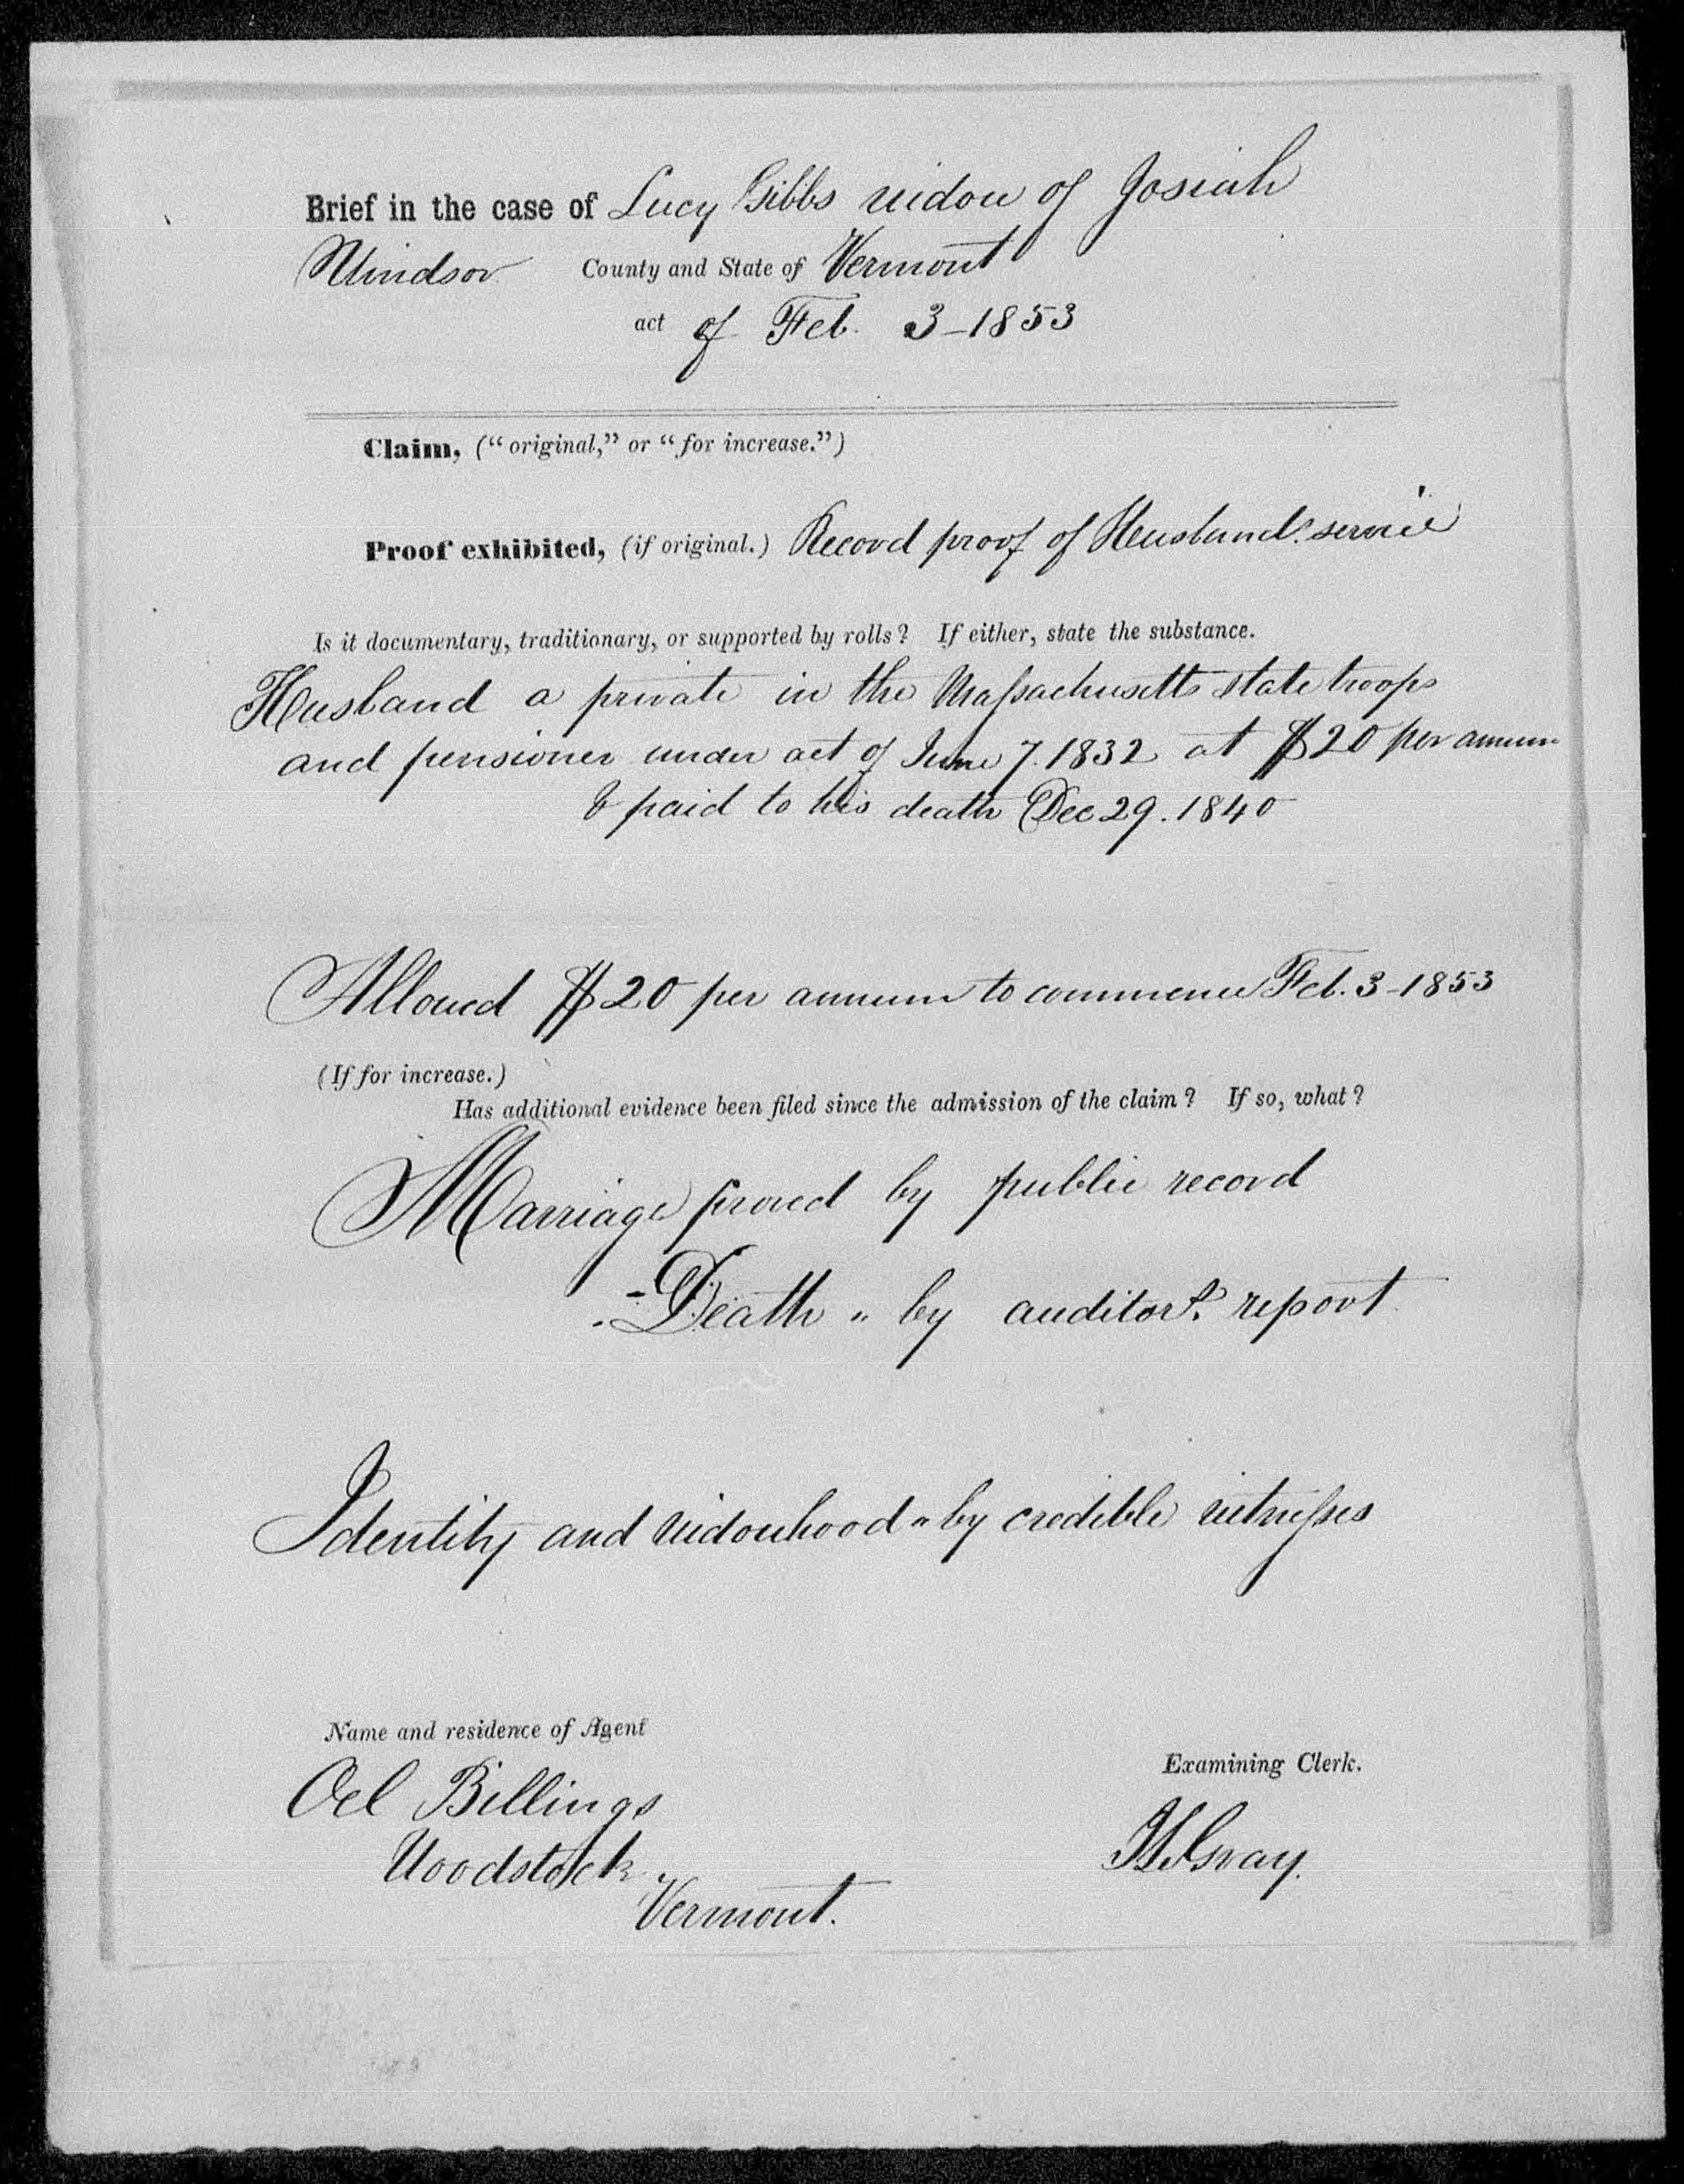Brief in the case of Lucy Gibbs widow of Josiah
Windsor County and State of Vermont
act of Feb. 3- 1853

Claim, ("original," or "for increase.")

Proof exhibited, (if original.) Record proof of Husbands service

Is it documentary, traditionary, or supported by rolls? If either, state the substance.
Husband a private in the Massachusetts State troops and pensioner under act of June 7, 1832 at $20 per annum & paid to his death Dec 29. 1840

Allowed $20 per annum to commence Feb. 3. 1853

(If for increase.)
Has additional evidence been filed since the admission of the claim?  If so, what?
Marriage proved by public record   Death" by auditors report

Identity and widowhood by credible witnesses

Name and residence of Agent
Oel  Billings
Woodstock, Vermont.
                                   Examining Clerk.
                                    JLGray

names: Josiah Gibbs, J L Gray, Oel Billings, Lucy Gibbs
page: 25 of 33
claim: widow's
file: W. 4681, Josiah Gibbs, Mass